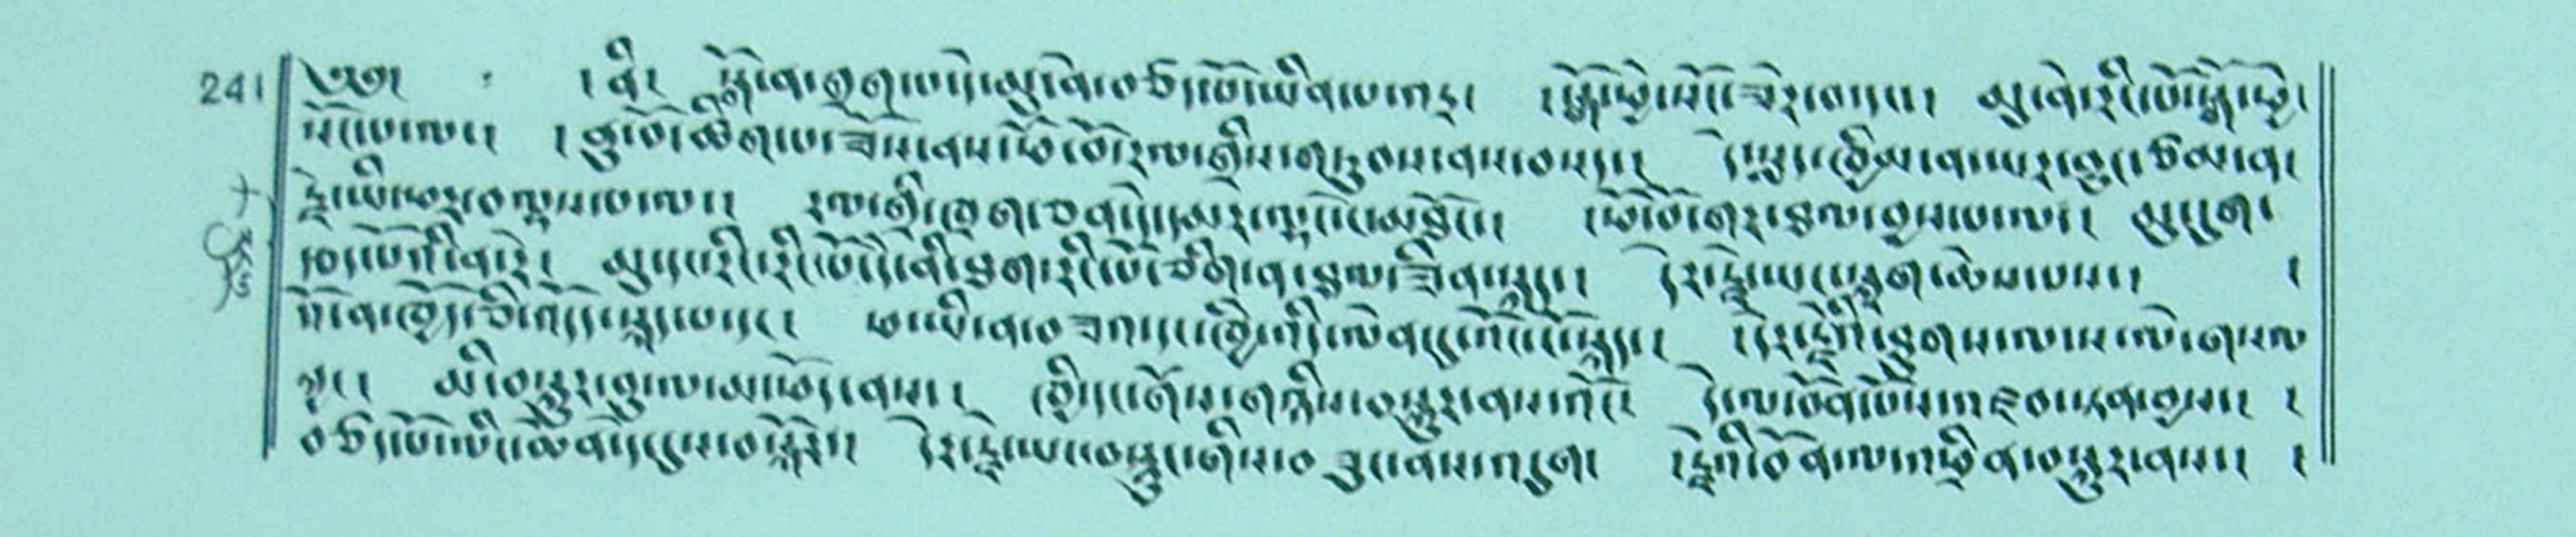༄༅། །ནི། སྒོ་ནས་གྲགས་པ་དེ་མུ་ནེ་བཙད་པོ་ཡིན་པ་འདྲ། སྒོ་ཕྱེ་སོང་ཟེར་བ་དང་། མུ་ནེ་རིང་པོ་སྒོ་ཕྱེ་
སོང་བ་ལ། ནུ་བོ་ཚིག་པ་ཟོས་ནས་ཕོ་བོ་རལ་གྲིས་གཏུབ་ནས་བསད། དེ་སླད་ཁྱིམ་ནས་ཡང་བྱུང་ཙམ་ན། 
རྗེ་ཡིས་ཕར་བལྟས་པ་ལ། རལ་གྲི་ཁྲག་ཅན་དེ་དམར་ལྷང་ངེ་མཐོང་། ཕོ་བོ་གར་ཐལ་བྱས་པ་ལ། མུ་དུག་
བཙད་པོའི་ན་རེ། མུ་དང་རིང་རིང་པོ་དེ་ནི་ཐག་རིང་པོ་གཅིག་ན་ཐལ་ཟིན་སྐད། དེར་རྗེ་ཡང་སྐྲག་ཆེས་པས།
 འོ་ན་ཁྱོད་ཅི་འདོད་སྐད་པ་དང་། ཕའི་ན་བཟའ་དང་ཁྱི་འདི་ལེན་དུ་འོང་ངོ་སྐད། དེར་རྗེའི་ཐུགས་ལ་ས་ལེ་གསལ་
ཀྱང་། མི་བསྐུར་བུ་ལ་མ་ཕོད་ནས། ཁྱི་དང་གོས་གཉིས་ཁྱེར་ནས་འོང་། དེ་ལ་བོན་པོས་འཛབ་སྟན་བྱས།
 བཙད་པོ་ལིང་ཆེན་དེ་དུས་བསྐོར། དེ་རྗེ་ཡང་བསྙུང་གིས་བཟུང་ནས་འདུག རྗེ་ཡིས་བོན་ལ་འཕྲིན་བསྐུར་ནས།